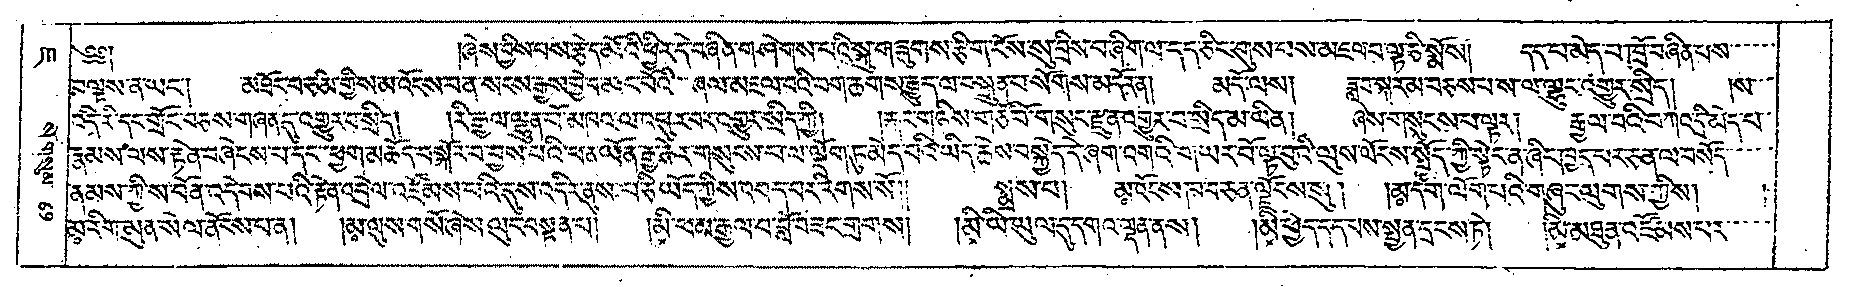༄༅། །ཞེས་བྱིས་པས་རྩེད་མོའི་ཕྱིར་དེ་བཞིན་གཤེགས་པའི་སྐུ་གཟུགས་རྩིག་ངོས་སུ་བྲིས་པ་ཞིག་ལ་དད་ཅིང་གུས་པས་མཇལ་བ་ལྟ་ཅི་སྨོས། དད་པ་མེད་པ་ཁྲོ་བཞིན་པས་
བལྟས་ན་ཡང་། མཐོང་བ་ཙམ་གྱིས་མ་འོངས་པ་ན་སངས་རྒྱས་བྱེ་བ་མང་པོའི་ཞལ་མཇལ་བའི་བག་ཆགས་རྒྱུད་ལ་བསྐྲུན་པ་སོགས་མདོར་ན། མདོ་ལས། ཟླ་བ་སྐར་མ་བཅས་པ་ས་ལ་ལྷུང་འགྱུར་སྲིད། །ས་
འདི་རི་དང་གྲོང་བཅས་གཞན་དུ་འགྱུར་བ་སྲིད། །རི་རྒྱལ་ལྷུན་པོ་མཁའ་ལ་འཕུར་བར་འགྱུར་སྲིད་ཀྱི། །རྐང་གཉིས་གཙོ་བོ་གསུངས་རྫུན་འགྱུར་བ་སྲིད་མ་ཡིན། ཞེས་གསུངས་པ་ལྟར། རྒྱལ་བའི་བཀའ་དྲི་མེད་པ་
རྣམས་ལས་རྟེན་བཞེངས་པ་དང་ཕྱག་མཆོད་བསྐོར་བ་བྱས་པའི་ཕན་ཡོན་རྒྱ་ཆེར་གསུངས་པ་ལ་ལྡོག་ཏུ་མེད་པའི་ཡིད་ཆེས་བསྐྱེད་དེ་ཞག་འགའི་གཡར་པོ་ལྟ་བུའི་ལུས་ལོངས་སྤྱོད་ཀྱི་སྟེང་ན་ཞིང་ཁྱད་པར་ཅན་ལ་བསོད་
ནམས་ཀྱི་ས་བོན་འདེབས་པའི་རྟེན་འབྲེལ་འཛོམས་པའི་དུས་འདིར་ནུས་པ་ཅི་ཡོད་ཀྱིས་འབད་པར་རིགས་སོ།། སྨྲས་པ། མ་འོངས་ཁ་བ་ཅན་ལྗོངས་སུ། །མ་དག་ལོག་པའི་གཞུང་ལུགས་ཀྱིས། །
མ་རིག་མུན་སེལ་ནོངས་པ་ན། །མ་ལུས་གསོ་ཞེས་ལུང་བསྟན་པ། །྾་མི་ཕམ་རྒྱལ་བ་བློ་བཟང་གྲགས། །྾་མི་ཡི་ཡུལ་དུ་དགའ་ལྡན་ནས། །྾་མི་ཕྱེད་དད་པས་སྤྱན་དྲངས་ཏེ། །྾་མི་མཐུན་འཛོམས་པར་